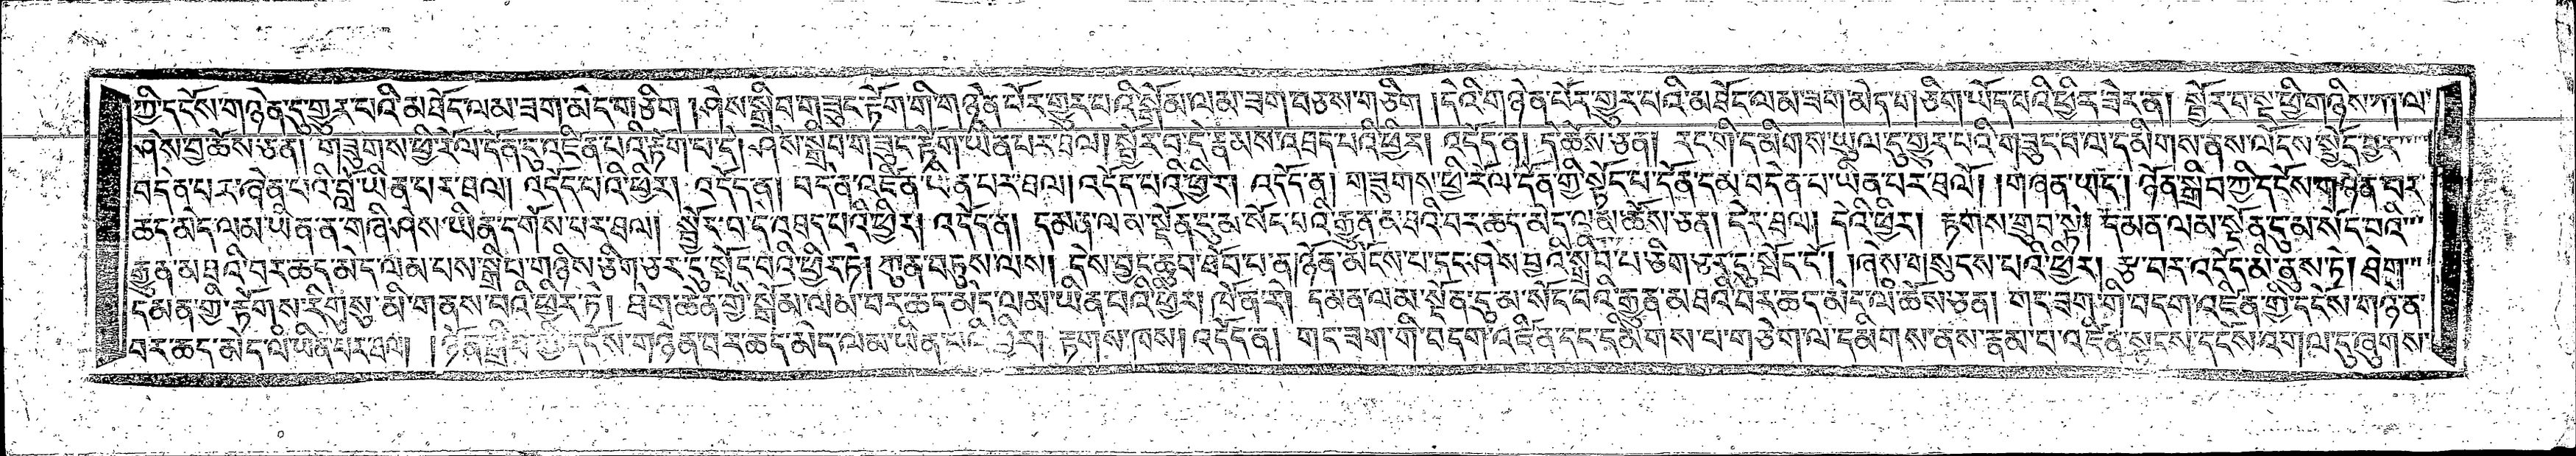ཀྱི་དངོས་གཉེན་དུ་གྱུར་པའི་མཐོང་ལམ་ཟག་མེད་གཅིག །ཤེས་སྒྲིབ་གཟུང་རྟོག་གི་གཉེན་པོར་གྱུར་པའི་སྒོམ་ལམ་ཟག་བཅས་གཅིག །དེའི་གཉེན་པོར་གྱུར་པའི་མཐོང་ལམ་ཟག་མེད་གཅིག་ཡོད་པའི་ཕྱིར་ཟེར་ན། སྦྱོར་བ་སྔ་ཕྱི་གཉིས་ཀ་ལ་
ཤེས་བྱ་ཆོས་ཅན། གཟུགས་ཕྱི་རོལ་དོན་དུ་འཛིན་པའི་རྟོག་པ་དེ། ཤེས་སྒྲིབ་གཟུང་རྟོག་ཡིན་པར་ཐལ། སྦྱོར་བ་དེ་རྣམས་འཐད་པའི་ཕྱིར། འདོད་ན། དེ་ཆོས་ཅན། རང་གི་དམིགས་ཡུལ་དུ་གྱུར་པའི་གཟུང་བ་ལ་དམིགས་ནས་ལོངས་སྤྱོད་བྱར་
བདེན་པར་ཞེན་པའི་བློ་ཡིན་པར་ཐལ། འདོད་པའི་ཕྱིར། འདོད་ན། བདེན་འཛིན་ཡིན་པར་ཐལ། འདོད་པའི་ཕྱིར། འདོད་ན། གཟུགས་ཕྱི་རོལ་དོན་གྱི་སྟོང་པ་དོན་དམ་བདེན་པ་ཡིན་པར་ཐལ་ལོ། །གཞན་ཡང་། ཉོན་སྒྲིབ་ཀྱི་དངོས་གཉེན་བར་
ཆད་མེད་ལམ་ཡིན་ན་གཞི་ཤེས་ཡིན་དགོས་པར་ཐལ། སྦྱོར་བ་དེ་འཐད་པའི་ཕྱིར། འདོད་ན། དམན་ལམ་སྔོན་དུ་མ་སོང་བའི་རྒྱུན་མཐའི་བར་ཆད་མེད་ལམ་ཆོས་ཅན། དེར་ཐལ། དེའི་ཕྱིར། རྟགས་གྲུབ་སྟེ། དམན་ལམ་སྔོན་དུ་མ་སོང་བའི་
རྒྱུན་མཐའི་བར་ཆད་མེད་ལམ་པས་སྒྲིབ་གཉིས་ཅིག་ཅར་དུ་སྤོང་བའི་ཕྱིར་ཏེ། ཀུན་བཏུས་ལས། དེས་བྱང་ཆུབ་ཐོབ་པ་ན། ཉོན་མོངས་པ་དང་ཤེས་བྱའི་སྒྲིབ་པ་ཅིག་ཅར་དུ་སྤོང་ངོ། །ཞེས་གསུངས་པའི་ཕྱིར། རྩ་བར་འདོད་མི་ནུས་ཏེ། ཐེག་
དམན་གྱི་རྟོགས་རིགས་སུ་མི་གནས་པའི་ཕྱིར་ཏེ། ཐེག་ཆེན་གྱི་སྒོམ་ལམ་བར་ཆད་མེད་ལམ་ཡིན་པའི་ཕྱིར། ཁོ་ན་རེ། དམན་ལམ་སྔོན་དུ་མ་སོང་བའི་རྒྱུན་མཐའི་བར་ཆད་མེད་ལམ་ཆོས་ཅན། གང་ཟག་གི་བདག་འཛིན་གྱི་དངོས་གཉེན་
བར་ཆད་མེད་ལམ་ཡིན་པར་ཐལ། །ཉོན་སྒྲིབ་ཀྱི་དངོས་གཉེན་བར་ཆད་མེད་ལམ་ཡིན་པའི་ཕྱིར། རྟགས་ཁས། འདོད་ན། གང་ཟག་གི་བདག་འཛིན་དང་དམིགས་པ་གཅིག་ལ་དམིགས་ནས་རྣམ་པ་འཛིན་སྟངས་དངོས་འགལ་དུ་ཞུགས་